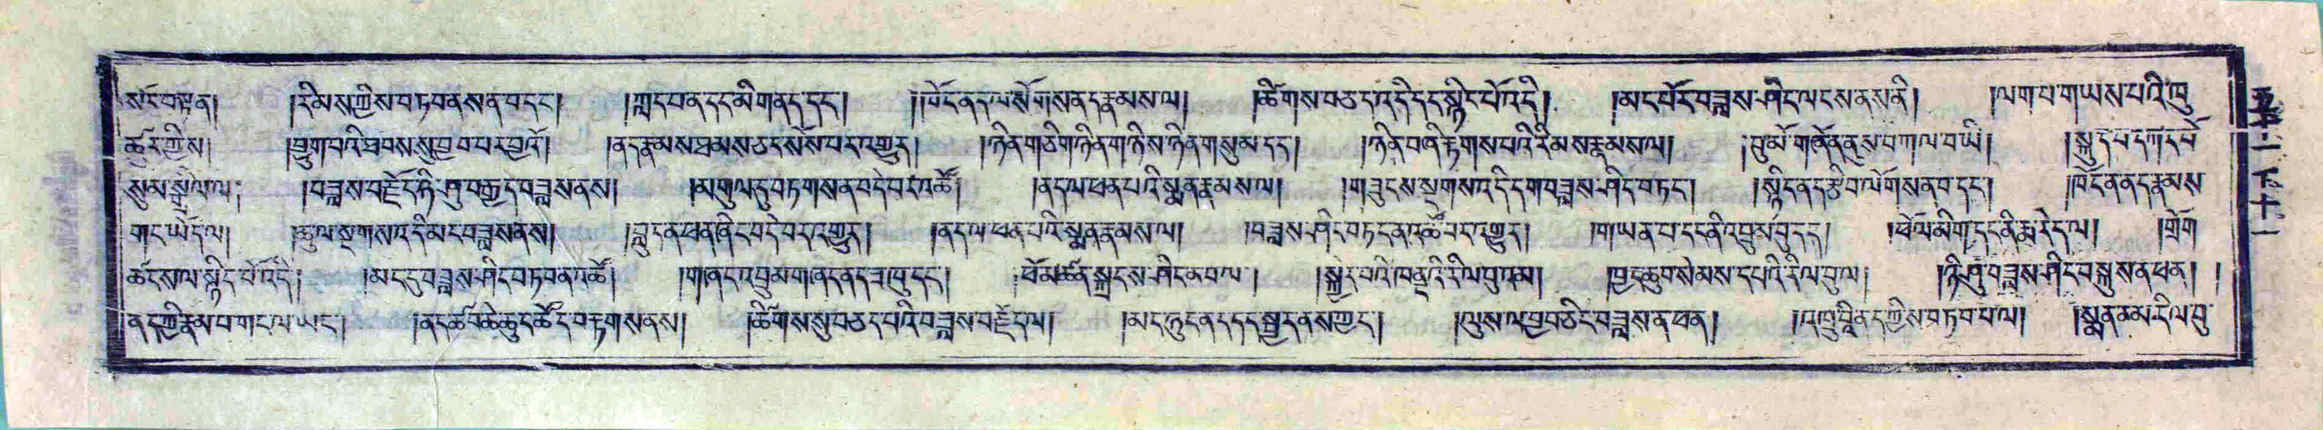སོར་བརྟན། །རིམས་ཀྱིས་བཏབ་ནས་ན་བ་དང་། །ཀླད་པ་ན་དང་མིག་ནད་དང་། །ཁོང་ནད་ལ་སོགས་ནད་རྣམས་ལ། །ཚིགས་བཅད་འདི་དང་སྙིང་པོ་འདི། །མང་པོར་བཟླས་ཤིང་ལངས་ནས་ནི། །ལག་པ་གཡས་པའི་ཁུ་ཚུར་གྱིས། །བྱུག་པའི་ཐབས་སུ་བྱབ་པར་བྱའོ། །ནད་རྣམས་ཐམས་ཅད་སོས་པར་འགྱུར། །ཉིན་
གཅིག་ཉིན་གཉིས་ཉིན་གསུམ་དང་། །ཉིན་བཞི་རྟགས་པའི་རིམས་རྣམས་ལ། །བུ་མོ་གཞོན་ནུས་བཀལ་བ་ཡི། །སྐུད་པ་དཀར་པོ་སུམ་སྒྲིལ་ལ། །བཟླས་བརྗོད་ཉི་ཤུ་བརྒྱད་བཟླས་ནས།
མགུལ་དུ་བཏགས་ན་བདེ་བར་འཚོ། །ནད་ལ་ཕན་པའི་སྨན་རྣམས་ལ། །གཟུངས་སྔགས་འདི་དག་བཟླས་ཤིང་བཏང་། །སྙིང་ནད་རྩིབ་ལོགས་ན་བ་དང་། །ཁོང་ན་ནད་རྣམས་གང་ཡོད་ལ། །
ཆུ་ལ་སྔགས་འདི་མང་བཟླས་ནས། །བླུད་ན་ཕན་ཞིང་བདེ་བར་འགྱུར། །ནད་ལ་ཕན་པའི་སྨན་རྣམས་ལ། །བཟླས་ཤིང་བཏང་ན་འཚོ་བར་འགྱུར། །གཡན་པ་དང་ནི་འབྲུམ་བུ་དང་། །བོལ་༄༅། །མིག་དང་ནི་རྨ་རེད་ལ། །གྲོག་ཚང་ས་ལ་སྙིང་པོ་འདི། །མང་དུ་བཟླས་ཤིང་བཏབ་ན་འཚོ། །གཞང་འབྲུམ་གཞད་ནད་ཟ་ཁུ་དང་། །ཕོ་མཚན་སྐྲངས་ཤིང་ན་བ་
ལ༑ ༑སྐྱེར་བའི་ཁན་དའི་རིལ་བུའམ། །བྱང་ཆུབ་སེམས་དཔའི་རིལ་བུ་ལ། །ཉི་ཤུ་བཟླས་ཤིང་བསྐུས་ན་ཕན། །ནད་ཀྱི་རྣམ་པ་གང་ལ་ཡང་། །ནད་ཚབ་ཆེ་ཆུང་ཚོད་བརྟགས་ནས།
ཚིགས་སུ་བཅད་པའི་བཟླས་བརྗོད་ལ། །མང་ཉུང་ནད་དང་སྦྱར་ནས་ཀྱང་། །ལུས་ལ་བྱ་བ་ཅིང་བཟླས་ན་ཕན། །འཁྲུ་བའི་ནད་ཀྱིས་བཏབ་པ་ལ། །སྨན་ནམ་རིལ་བུ་